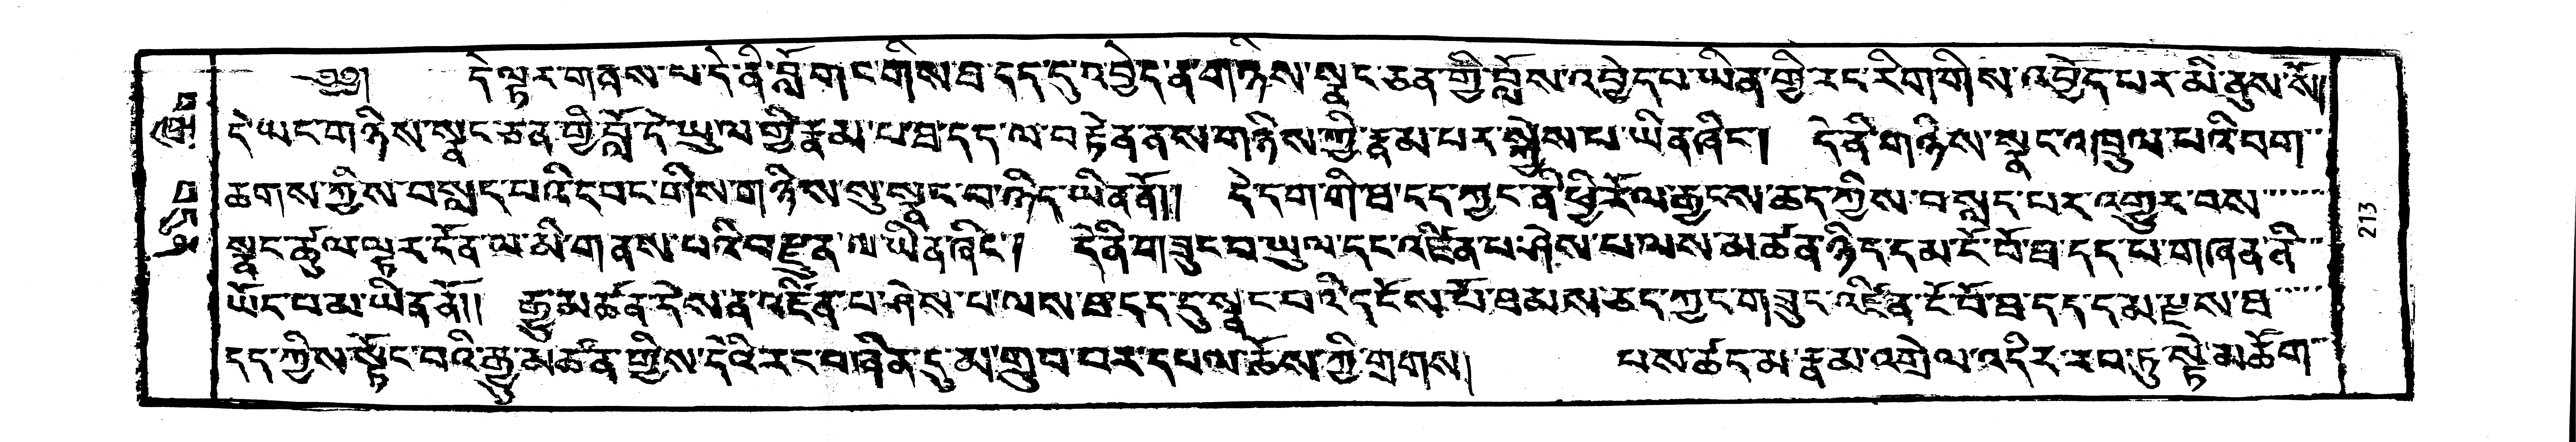༄༅། །དེ་ལྟར་གནས་པ་དེ་ནི་བློ་གང་གིས་ཐ་དད་དུ་འབྱེད་ན་གཉིས་སྣང་ཅན་གྱི་བློས་འབྱེད་པ་ཡིན་གྱི་རང་རིག་གིས་འབྱེད་པར་མི་ནུས་སོ།
དེ་ཡང་གཉིས་སྣང་ཅན་གྱི་བློ་དེ་ཡུལ་གྱི་རྣམ་པ་ཐ་དད་ལ་བརྟེན་ནས་གཉིས་ཀྱི་རྣམ་པར་སྐྱེས་པ་ཡིན་ཞིང་། དེ་ནི་གཉིས་སྣང་འཁྲུལ་བའི་བག་
ཆགས་ཀྱིས་བསླད་པའི་དབང་གིས་གཉིས་སུ་སྣང་བ་ཉིད་ཡིན་ནོ། །དེ་དག་གི་ཐ་དད་ཀྱང་ནི་ཕྱི་རོལ་རྒྱངས་ཆད་ཀྱིས་བསླད་པར་འགྱུར་བས་
སྣང་ཚུལ་ལྟར་དོན་ལ་མི་གནས་པའི་བརྫུན་ལ་ཡིན་ཞིང་། དེ་ནི་གཟུང་བ་ཡུལ་དང་འཛིན་པ་ཤེས་པ་ལས་མཚན་ཉིད་དམ་ངོ་བོ་ཐ་དད་པ་གཞན་ནི་
ཡོད་པ་མ་ཡིན་ནོ།། རྒྱུ་མཚན་དེས་ན་འཛིན་པ་ཤེས་པ་ལས་ཐ་དད་དུ་སྣང་བའི་དངོས་པོ་ཐམས་ཅད་ཀྱང་གཟུང་འཛིན་ངོ་བོ་ཐ་དད་དམ་རྫས་ཐ་
དད་ཀྱིས་སྟོང་པའི་རྒྱུ་མཚན་གྱིས་དེའི་རང་བཞིན་དུ་མ་གྲུབ་པར་དཔལ་ཆོས་ཀྱི་གྲགས། པས་ཚད་མ་རྣམ་འགྲེལ་འདིར་རབ་ཏུ་སྟེ་མཆོག་